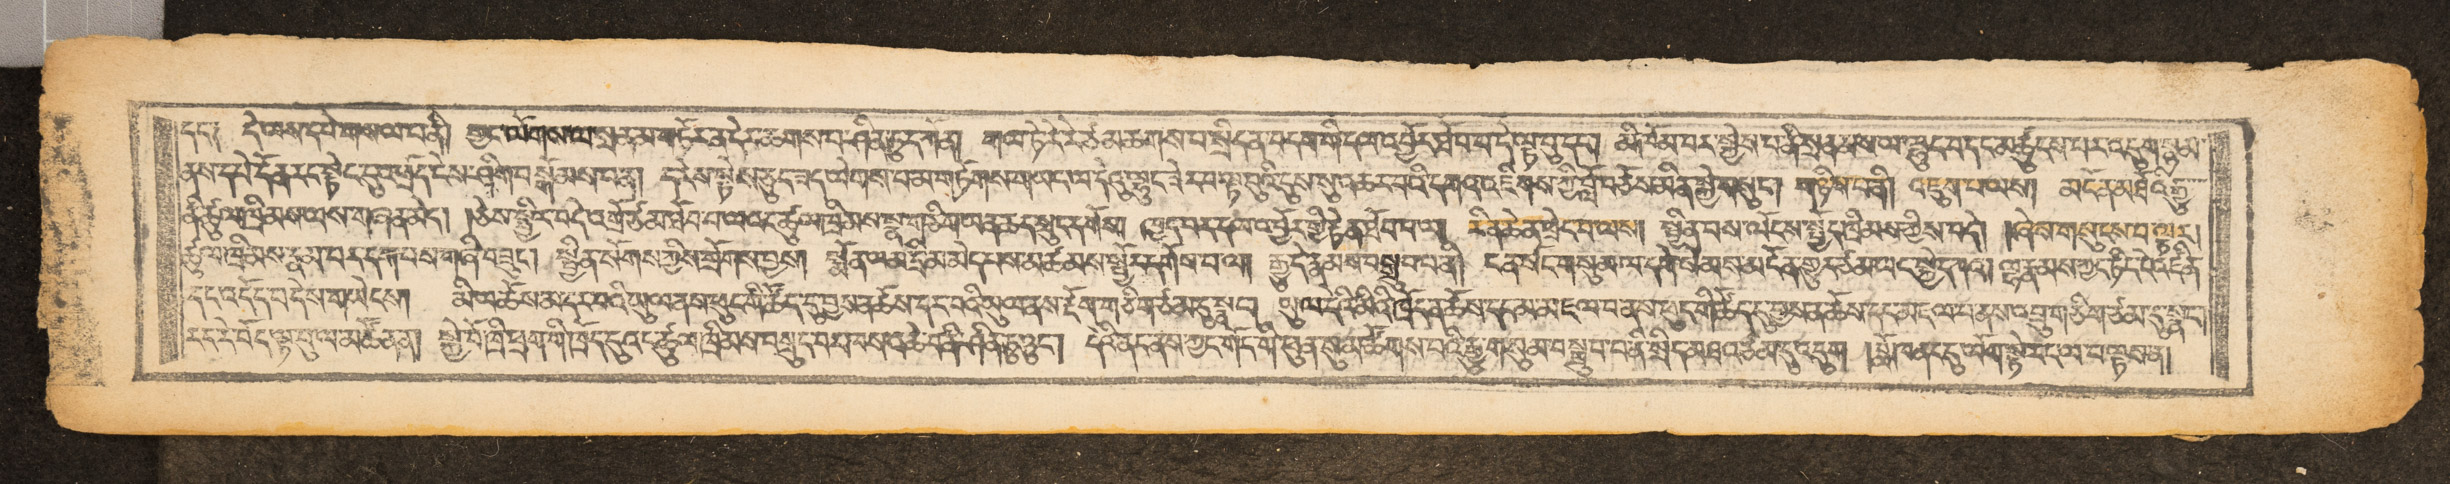དང༑ དེ་ལས་དཔེ་གསལ་པ་ནི། གྱང་ལོགས་ལ་སྲན་མ་གཏོར་ན་དེར་ཆགས་པ་ཤིན་ཏུ་དཀོན། གལ་ཏེ་རེ་རེ་ཙམ་ཆགས་པ་སྲིད་ན་བདག་གི་དལ་འབྱོར་ཐོབ་པ་དེ་ལྟ་བུ་དང་། མི་ཁོམ་པར་སྐྱེས་པ་ནི་སྲན་མས་ལ་ལྷུང་བ་དང་མཚུངས་པར་འདུག་སྙམ་
ནས་དཔེ་དོན་རང་སྟེང་དུ་འཕྲོད་ངེས་ཤིག་བསྒོམས་པ་ན། ད་རེས་སྟེས་ཅུང་ཟད་ལེགས་པ་མ་གཏོགས་གཡང་ལ་དེའུ་ལྷུང་ཟེར་བ་ལྟ་བུའི་དུས་སུ་འཆར་བའི་དགའ་འཇིགས་ཀྱི་བློ་བཅོས་མིན་སྐྱེ་གསུང་། གཉིས་པ་ནི། འཇུག་པ་ལས། མངོན་མཐོའི་རྒྱུ་
ནི་ཚུལ་ཁྲིམས་ལས་གཞན་མེད། །ཅེས་སྤྱིར་བདེ་འགྲོ་ཙམ་ཐོབ་པ་ལའང་ཚུལ་ཁྲིམས་སྣ་གཅིག་ཡན་ཆད་སྲུང་དགོས། ཁྱད་པར་དལ་འབྱོར་གྱི་རྟེན་ཐོབ་བ་ལ། རིན་ཆེན་ཕྲེང་བ་ལས། སྦྱིན་བས་ལོངས་སྤྱོད་ཁྲིམས་ཀྱིས་བདེ། །ཞེས་གསུངས་པ་ལྟར།
ཚུལ་ཁྲིམས་རྣམ་པར་དག་པས་གཞི་བཟུང་། སྦྱིན་སོགས་ཀྱིས་གྲོགས་བྱས། སྨོན་ལམ་དྲི་མ་མེད་པས་མཚམས་སྦྱོར་དགོས་པ་ལ། རྒྱུ་དེ་རྣམས་བསྒྲུབ་པ་ནི། ངན་སོང་གསུམ་ལ་དགེ་སེམས་མངོན་གྱུར་ཙམ་ཡང་སྐྱེ་དཀའ། ལྷ་རྣམས་ཀྱང་ཏིང་ངེ་འཛིན་
དང་འདོད་པ་དེས་གཡེངས། མི་ལ་ཆོས་མདར་བའི་ཡུལ་ནས་སུང་གི་ཚོད་དུ་བྱས་ན་ཆོས་དར་བའི་ཡུལ་ནས་རྡོག་གཅིག་ཙམ་དུ་སྣང་། ཡུལ་དེའི་མིའི་ཁྲོད་ན་ཆོས་དང་མ་མཇལ་བ་ནས་ཕུང་གི་ཚོད་དུ་བྱས་ན་ཆོས་དང་མཇལ་བ་ནས་འབྲུ་གཅིག་ཙམ་དུ་སྣང་
རང་རེ་བོད་ལྟ་བུ་ལ་མཚོན་ན། སྐྱེ་བོ་ཁྲི་ཕྲག་གི་ཁྲོད་དུའང་ཚུལ་ཁྲིམས་བསྲུང་བར་ཁས་འཆི་བ་ནི་ཤིན་ཏུ་ཉུང་། དའི་ནང་ནས་ཀྱང་གོང་གི་ཕུན་སུམ་ཚོགས་པའི་རྒྱུ་གསུམ་བསྒྲུབ་པ་ནི་སྲིད་མཐའ་ཙམ་དུ་འདུག །བློ་ཁ་ནང་དུ་ལོག་སྟེ་རང་ལ་བལྟས་ན།